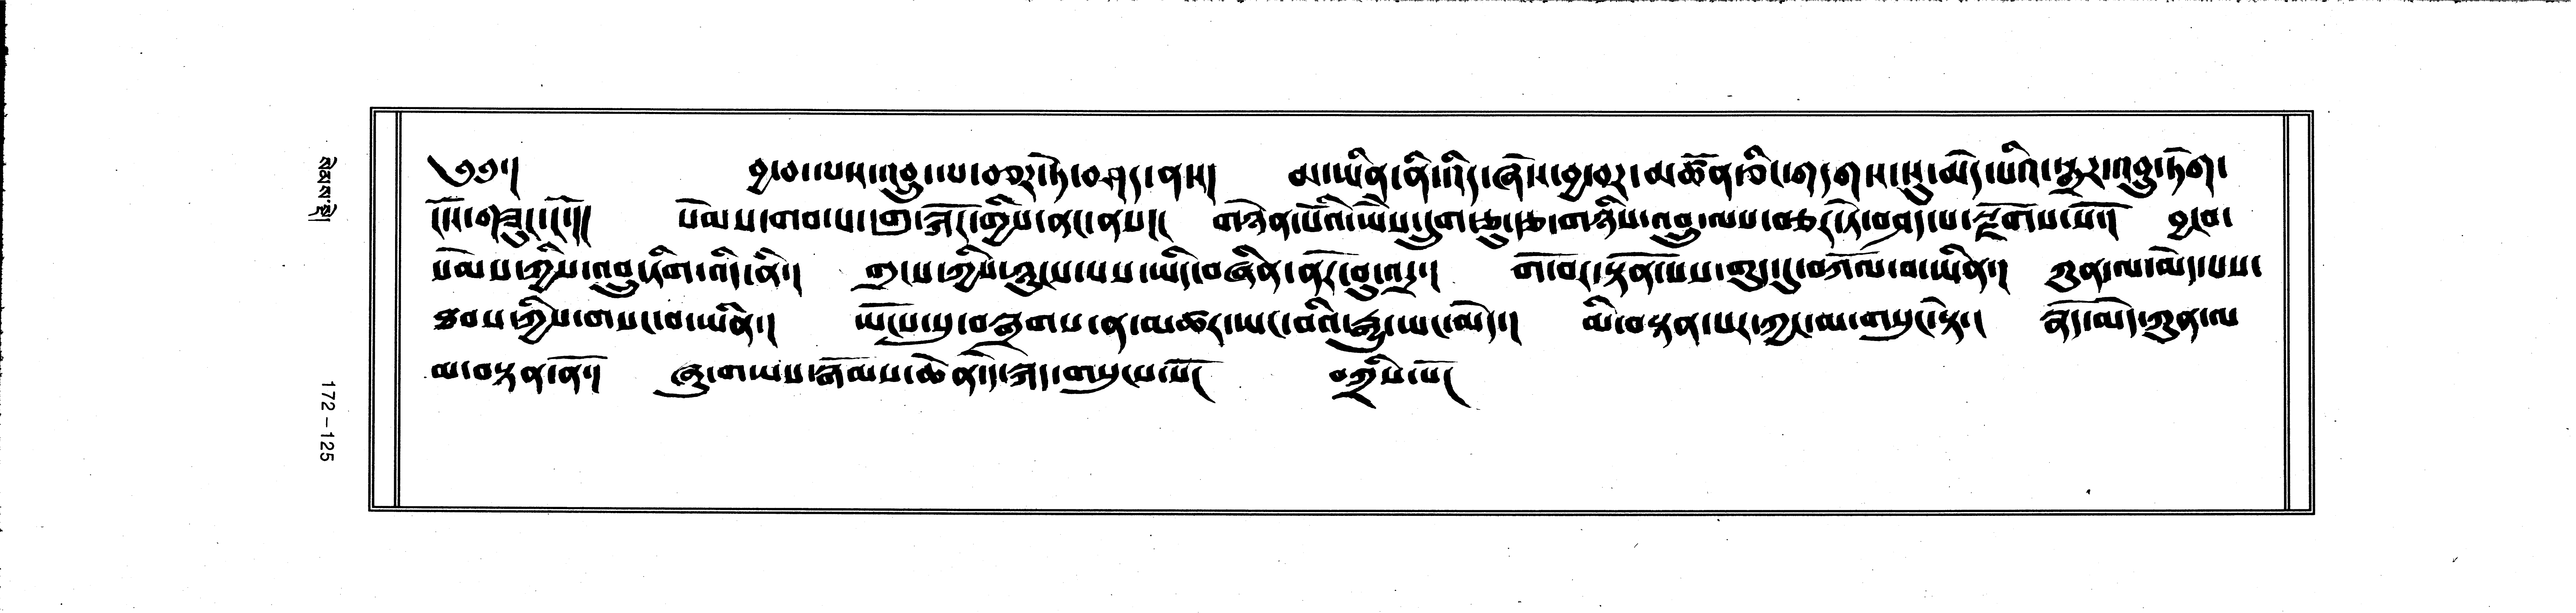བྱ་བ་ལས་འབྲུ་ལ་བཅར་ཏེ་བཤད་ནས། མ་ཡིན་དེ་འདི་ཞེས་བྱ་བར་མཚོན་ཅིང་གདགས་སུ་མེད་པའི་སྒྲར་འབྲུ་ཏིག་སྟེ་
ངོས་གཟུང་ངོ་། སེམས་གབ་པ་དགུ་སྐོར་གྱིས་ནང་ནས། གཉེན་པོའི་ཡེ་ཤེས་དྲུག་ཅུ་རྩ་གཉིས་འབྲུ་ལས་བཅར་ཏེ་བཤད་པ་རྫོགས་སྭོ། བྱང་ནུབ་
སེམས་ཀྱིས་འབྲུ་རིག་འདི་ནི། གྲངས་ཀྱིས་ཉུངས་པས་ཡིད་བཞིན་ནོར་བུ་འདྲ། གོ་བར་སྟོན་པས་གུད་དུ་བཀོལ་བ་ཡིན། ཀུན་ལ་མེད་པས་
ཐབས་ཀྱིས་གསང་བ་ཡིན། ཡོངས་སུ་བསྒྲགས་ན་མཚར་ཡང་བའི་རྒྱུ་ཡང་མེད། མི་བསྟན་པར་ཀྱང་མ་གསུང་སྟེ། སྣོད་མེད་ཀུན་ལ་
མ་བསྟན་ནོ། ཞུ་གཡས་སྒོམས་ཆེན་དེ་སྐད་གསུངས་སྭོ། བཀྲ་ཤིས་སྭོ།